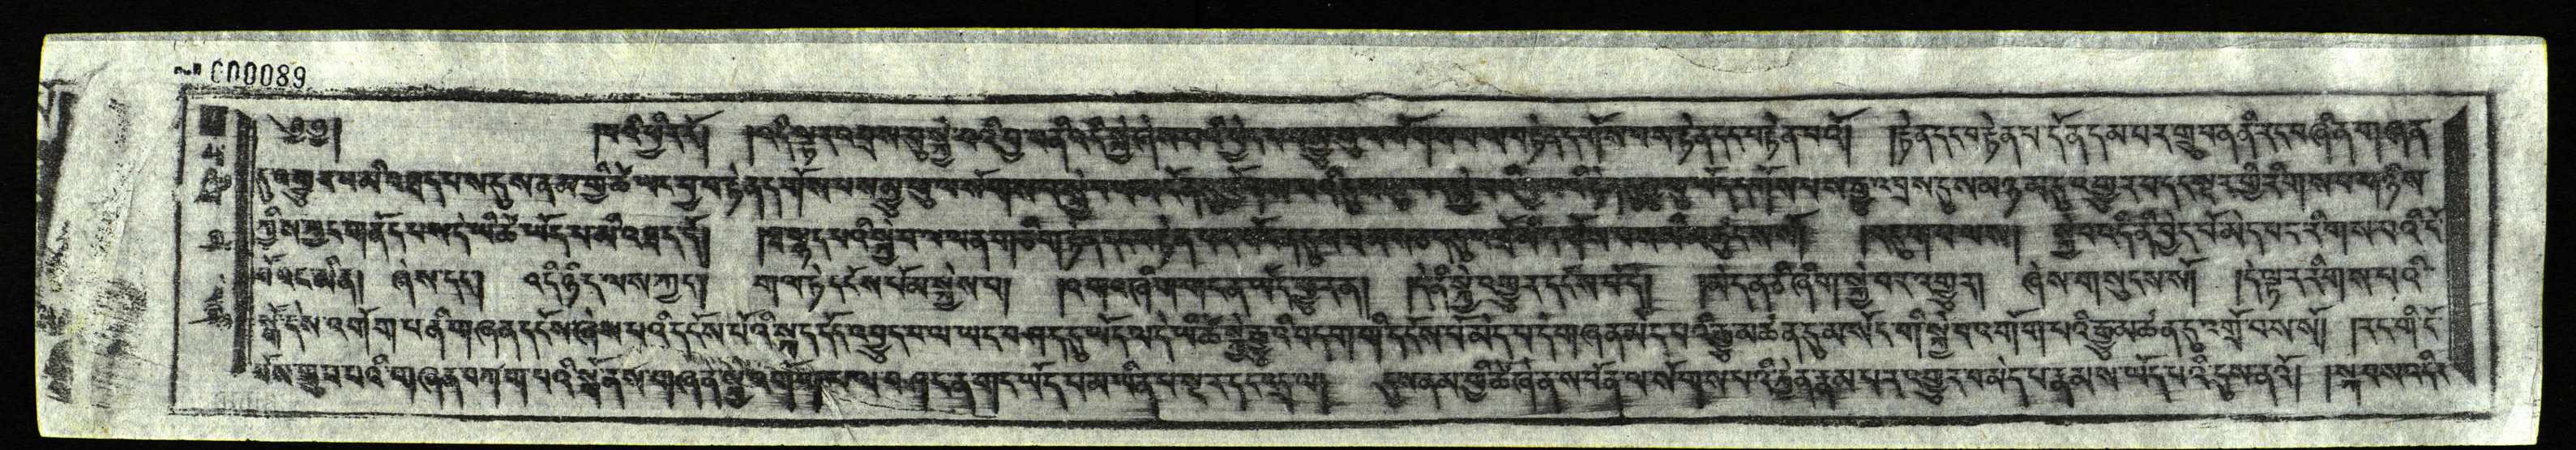༄༅། །པའི་ཕྱིར་རོ། །འདི་ལྟར་འབྲས་བུ་སྐྱེ་བའི་བྱ་བ་ནི་འདི་སྐྱེ་ཞེས་པའི་བྱེད་པ་པོ་མྱུ་གུ་ལ་སོགས་པ་ལ་བརྟེན་དགོས་པ་ལ་རྟེན་དང་བརྟེན་པའོ། །རྟེན་དང་བརྟེན་པ་དོན་དམ་པར་གྲུབ་ན་ནི་རང་བཞིན་གཞན་
དུ་འགྱུར་བ་མི་འཐད་པས་དུས་ནམ་གྱི་ཚེ་ཡང་བྱ་བ་རྟེན་དགོས་པས་མྱུ་གུ་ལ་སོགས་པ་སྐྱེ་བ་ལ་མངོན་དུ་ཕྱོགས་པའི་དུས་སུ་ཡང་སྐྱེ་བའི་བྱ་བའི་རྟེན་དུས་སུ་ཡོད་དགོས་པས་རྒྱུ་འབྲས་དུས་མཉམ་དུ་འགྱུར་བ་དང་སྔར་གྱི་རིགས་པ་གཉིས་
ཀྱིས་ཀྱང་གནོད་པས་དེ་ཡི་ཚེ་ཡོད་པ་མི་འཐད་དོ། །ཐ་སྙད་པའི་སྐྱེ་བ་ལ་ལན་གཅིག་རྟེན་དང་བརྟེན་པར་སོར་ན་དུས་ཐམས་ཅད་འགྲོ་མི་དགོས་པས་མི་མཚུངས་སོ། །འདུག་པ་ལས། སྐྱེ་བ་འདི་ནི་བྱེད་པོ་མེད་པར་རིགས་པའི་ངོ་
བོ་འང་ཡིན། ཞེས་དང་། འདི་ཉིད་ལས་ཀྱང་། གལ་ཏེ་དངོས་པོ་མ་སྐྱེས་པ། །འགའ་ཞིག་གང་ན་ཡོད་གྱུར་ན། །དེ་ནི་སྐྱེ་འགྱུར་དངོས་པོ་དེ། །མེད་ན་ཅི་ཞིག་སྐྱེ་བར་འགྱུར། ཞེས་གསུངས་སོ། །དེ་ལྟར་རིགས་པའི་
སྒོ་དེས་འགོག་པ་ནི་གཞན་དངོས་ཞེས་པའི་དངོས་པོའི་སྐད་དོང་འབྱུང་བ་ལ་ཡང་བཤད་དུ་ཡོད་ལ་དེ་ཡི་ཚེ་སྐྱེ་རྒྱུའི་བདག་གི་དངོས་པོ་མེད་པ་དེ་གཞན་མེད་པའི་རྒྱུ་མཚན་དུ་མ་སོང་གི་སྐྱེ་བ་འགོག་པའི་རྒྱུ་མཚན་དུ་འགྲོ་བས་སོ། །རང་གི་ངོ་
བོས་སྒྲུབ་པའི་གཞན་བཀག་པའི་སྒོ་ནས་གཞན་སྐྱེ་འགོག་པ་ལ་བཤད་ན་གང་ཡོད་པ་མ་ཡིན་པ་སྔར་དང་འདྲ་ལ། དུས་ནམ་གྱི་ཚེ་ཞེ་ན་ས་བོན་ལ་སོགས་པའི་རྐྱེན་རྣམ་པར་འགྱུར་བ་མེད་པ་རྣམས་ཡོད་པའི་དུས་ནའོ། །སྐབས་འདིར་